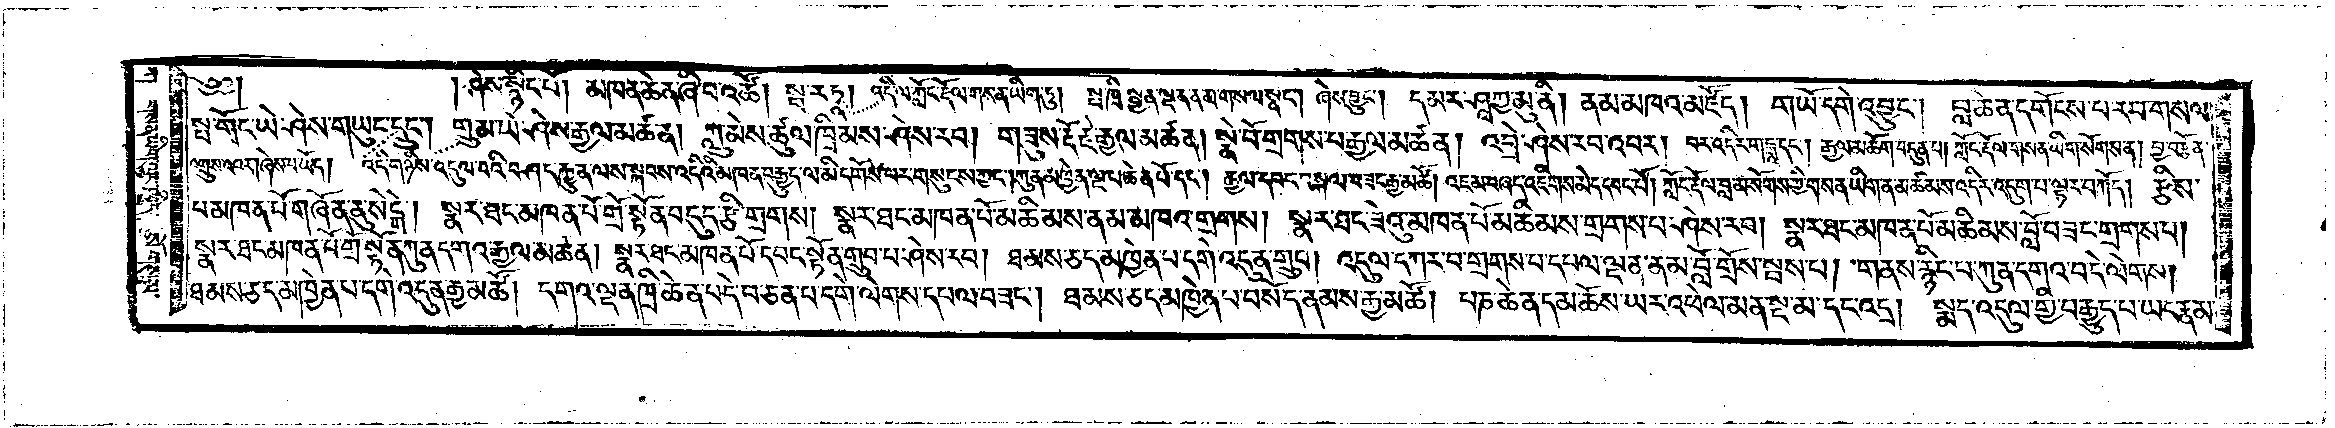༄༅། །ཤེས་སྙིང་པོ། མཁན་ཆེན་ཞི་བ་འཚོ། སྦ་ར་ཏཱ་འདི་ལ་ཀློང་རྡོལ་གསན་ཡིག་ཏུ། སྤ་ཁྲི་སྦྱན་ལྡན་ནམ་གསལ་སྣང་།  ཞེས་བྱུང་། དམར་ཤཱཀྱ་མུ་ནི། ནམ་མཁའ་མཛོད། གཡོ་དགེ་འབྱུང་། བླ་ཆེན་དགོངས་པ་རབ་གསལ་
སྤ་གོང་ཡེ་ཤེས་གཡུང་འདི་གཉིས་འདུལ་བའི་བཤད་རྒྱུན་ལས་སྐབས་འདིའི་མཁན་བརྒྱུད་ལ་མི་དགོས་པར་གསུངས་ཀྱང་དྲུང་། འདི་གཉིས་འདུལ་བའི་བཤད་རྒྱུན་ལས་སྐབས་འདིའི་མཁན་བརྒྱུད་ལ་མི་དགོས་པར་གསུངས་ཀྱང་གྲུམ་ཡེ་ཤེས་རྒྱལ་མཚན། ཀླུ་མེས་ཚུལ་ཁྲིམས་ཤེས་རབ། གཟུས་རྡོ་རྗེ་རྒྱལ་མཚན། སྣེ་བོ་གྲགས་པ་རྒྱལ་མཚན། འབྲེ་ཤེས་རབ་འབར། བར་འདིར་གདྷཱ་དང་། རྒྱལ་མཆོག་བདུན་པ། ཀློང་རྡོལ་གསན་ཡིག་སོགས་ན། བྱ་བརྩོན་
འགྲུས་འབར་།ཞེས་པ་ཡོད། ཀུན་མཁྱེན་ལྔ་པ་ཆེན་པོ་དང་། རྒྱལ་དབང་བསྐལ་བཟང་རྒྱ་མཚོ། འཇམ་བཞད་འཇིགས་མེད་དབང་པོ། ཀློང་རྡོལ་བླ་མ་སོགས་ཀྱི་གསན་ཡིག་ན་མཚམས་འདིར་འདུག་པ་ལྟར་བཀོད། རྩིས་
པ་མཁན་པོ་གཞོན་ནུ་སེངྒེ། སྣར་ཐང་མཁན་པོ་གྲོ་སྟོན་བདུད་རྩི་གྲགས། སྣར་ཐང་མཁན་པོ་མཆིམས་ནམ་མཁའ་གྲགས། སྣར་ཐང་ཟེའུ་མཁན་པོ་མཆིམས་གྲགས་པ་ཤེས་རབ། སྣར་ཐང་མཁན་པོ་མཆིམས་བློ་བཟང་གྲགས་པ།
སྣར་ཐང་མཁན་པོ་གྲོ་སྟོན་ཀུན་དགའ་རྒྱལ་མཚན། སྣར་ཐང་མཁན་པོ་དབང་སྟོན་གྲུབ་པ་ཤེས་རབ། ཐམས་ཅད་མཁྱེན་པ་དགེ་འདུན་གྲུབ། འདུལ་དཀར་བ་གྲགས་པ་དཔལ་ལྡན་ནམ་བློ་གྲོས་སྦས་པ། གནས་རྙིང་པ་ཀུན་དགའ་བདེ་ལེགས།
ཐམས་ཅད་མཁྱེན་པ་དགེ་འདུན་རྒྱ་མཚོ། དགའ་ལྡན་ཁྲི་ཆེན་བདེ་བ་ཅན་པ་དགེ་ལེགས་དཔལ་བཟང་། ཐམས་ཅད་མཁྱེན་པ་བསོད་ནམས་རྒྱ་མཚོ། པཎ་ཆེན་དམ་ཆོས་ཡར་འཕེལ་མན་སྔ་མ་དང་འདྲ། སྨད་འདུལ་གྱི་བརྒྱུད་པ་ཡང་རྣམ་